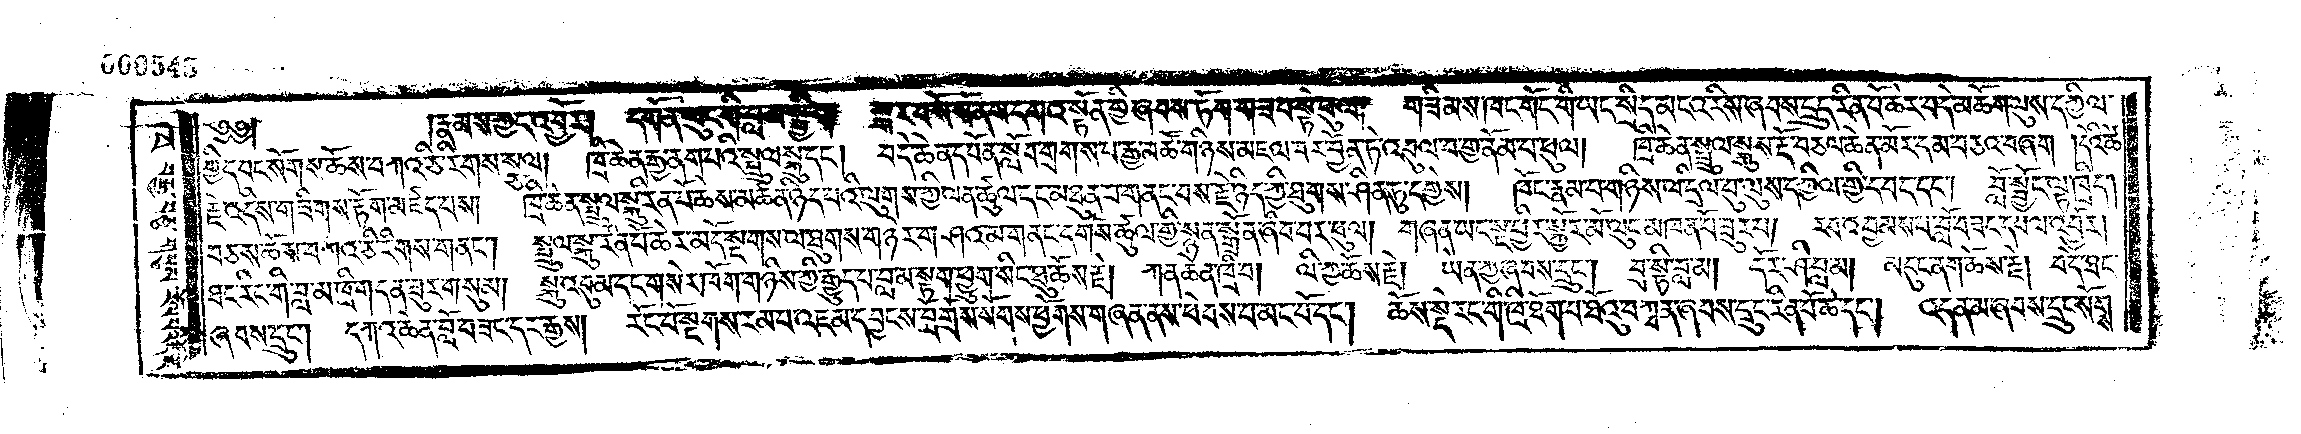༄༅། །རྣམས་ཀྱང་འབྱོར། དགོན་ལུང་གི་བླ་མ་སྤྱི་བ། སྒར་བ་སོ་སོ་ནས་དགའ་སྟོན་གྱི་ཞབས་ཏོག་གཟབ་སྟེ་ཕུལ། གཟིམས་ཁང་གོང་གི་ཡང་སྲིད་མངའ་རིས་ཞབས་དྲུད་རིན་པོ་ཆེར་བདེ་མཆོག་ལུས་དཀྱིལ་
གྱི་དབང་སོགས་ཆོས་བཀའ་ཅི་རིགས་སྩལ། ཁྲི་ཆེན་རྒྱ་ནག་པའི་སྤྲུལ་སྐུ་དང་། བདེ་ཆེན་དཔོན་སློབ་གྲགས་པ་རྒྱ་མཚོ་གཉིས་མཇལ་བར་བྱོན་ཏེ་འབུལ་བ་གྱ་ནོམ་པ་ཕུལ། ཁྲི་ཆེན་སྤྲུལ་སྐུས་རྡོ་བཅལ་ཆེན་མོར་དམ་བཅའ་བཞག །དེའི་ཚེ་
རྗེ་འདིས་གཟིགས་རྟོག་མཛད་པས། ཁྲི་ཆེན་སྤྲུལ་སྐུ་རིན་པོ་ཆེས་མཚན་ཉིད་པའི་ལུགས་ཀྱི་ལན་ཚུལ་དང་མཐུན་པ་གནང་བས་རྗེ་ཉིད་ཀྱི་ཐུགས་ཤིན་ཏུ་དགྱེས། ཁོང་རྣམ་པ་གཉིས་ལ་དྲིལ་བུ་ལུས་དཀྱིལ་གྱི་དབང་དང་། བློ་སྦྱོང་ལྟ་ཁྲིད།
བཅས་ཆོས་བཀའ་ཅི་རིགས་གནང་། སྤྲུལ་སྐུ་རིན་པོ་ཆེར་མདོ་སྔགས་ལ་ཐུགས་གཉེར་གཤའ་མ་གནང་དགོས་ཚུལ་གྱི་སྙན་སྒྲོན་ཞིབ་པར་ཕུལ། གཞན་ཡང་སྔ་ཕྱིར་སྐྱོར་མོ་ལུང་མཁན་པོ་ཟུར་བ། རབ་འབྱམས་པ་བློ་བཟང་དཔལ་འབྱོར།
ཐང་རིང་གི་བླ་མ་ཕྲི་གདན་ཟུར་གསུམ། སྐུ་འབུམ་དང་གསེར་ཁོག་གཉིས་ཀྱི་རྒྱུད་པ་བླ་མ་སྟག་ཕྱུག་སིང་ཐུ་ཆོས་རྗེ། ཀན་ཆེན་ཁྲི་བ། ལི་ཀྱ་ཆོས་རྗེ། ཡེན་ཀྱ་ཞབས་དྲུང་། བྲ་སྟི་བླ་མ། དོར་ཤི་བླ་མ། མདུང་ནག་ཆོས་རྗེ། བདེ་ཐང་
ཞབས་དྲུང་། དཀའ་ཆེན་བློ་བཟང་དར་རྒྱས། རོང་པོ་སྔགས་རམ་པ་འཇམ་དབྱངས་བློ་གྲོས་སོགས་ཕྱོགས་གཞན་ནས་ཕེབས་པ་མང་པོ་དང་། ཆོས་སྡེ་རང་གི་ཁྲི་ཆོག་བ་ཐོའུ་བ་ཀྭན་ཞབས་དྲུང་རིན་པོ་ཆེ་དང་། འདན་མ་ཞབས་དྲུང་སོགས་